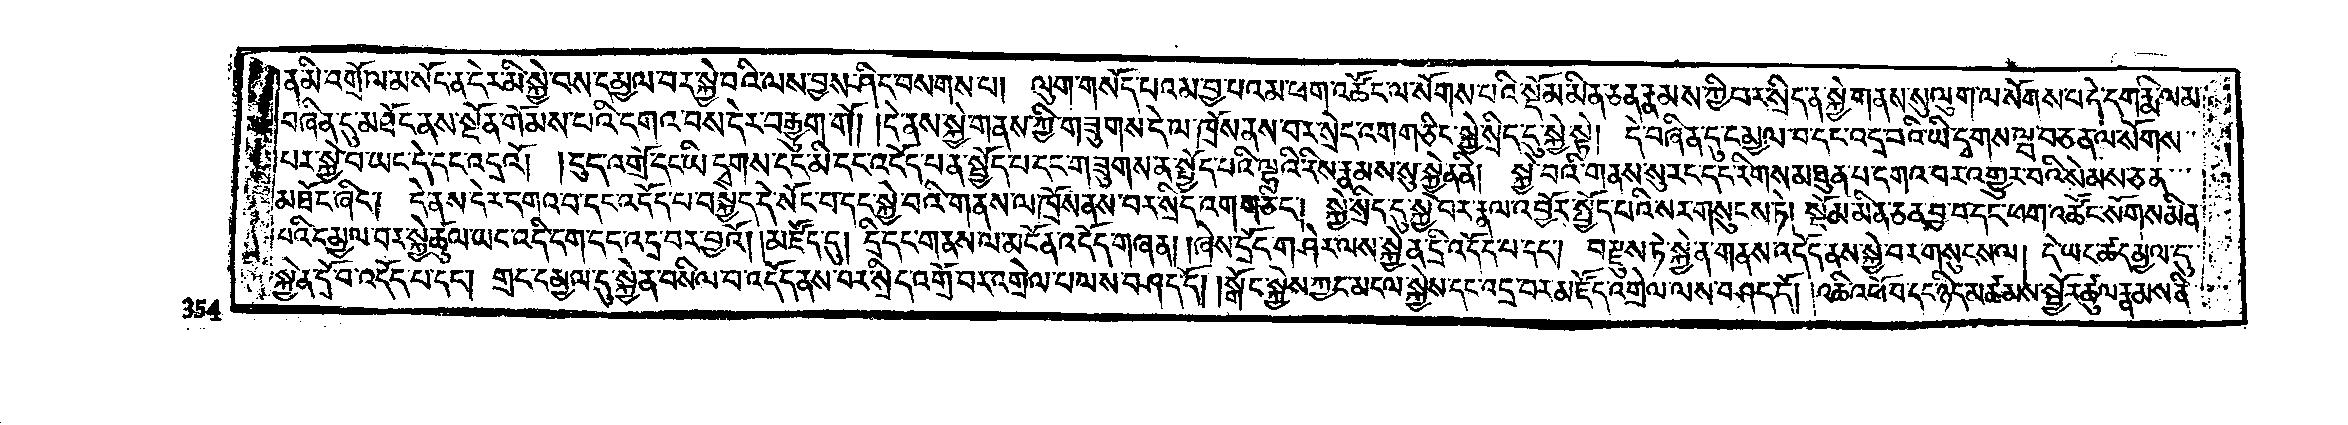ན་མི་འགྲོ་ལམ་སོང་ན་དེར་མི་སྐྱེ་བས་དམྱལ་བར་སྐྱེ་བའི་ལས་བྱས་ཤིང་བསགས་པ། ལུག་གསོད་པའམ་བྱ་པའམ་ཕག་འཚོང་ལ་སོགས་པའི་སྡོམ་མིན་ཅན་རྣམས་ཀྱི་བར་སྲིད་ན་སྐྱེ་གནས་སུ་ལུག་ལ་སོགས་པ་དེ་དག་རྨི་ལམ་
བཞིན་དུ་མཐོང་ནས་སྔོན་གོམས་པའི་དགའ་བས་དེར་བརྒྱུག་གོ། །དེ་ནས་སྐྱེ་གནས་ཀྱི་གཟུགས་དེ་ལ་ཁྲོས་ནས་བར་སྲིད་འགག་ཅིང་སྐྱེ་སྲིད་དུ་སྐྱེ་སྟེ། དེ་བཞིན་དུ་དམྱལ་བ་དང་འདྲ་བའི་ཡི་དྭགས་ལྦ་བ་ཅན་ལ་སོགས་
པར་སྐྱེ་བ་ཡང་དེ་དང་འདྲའོ། །དུད་འགྲོ་དང་ཡི་དྭགས་དང་མི་དང་འདོད་པ་ན་སྤྱོད་པ་དང་གཟུགས་ན་སྤྱོད་པའི་ལྷའི་རིས་རྣམས་སུ་སྐྱེན་ནི། སྐྱེ་བའི་གནས་སུ་རང་དང་རིགས་མཐུན་པ་དགའ་བར་འགྱུར་བའི་སེམས་ཅན་
མཐོང་ཞིང་། དེ་ནས་དེར་དགའ་བ་དང་འདོད་པ་བསྐྱེད་དེ་སོང་བ་དང་སྐྱེ་བའི་གནས་ལ་ཁྲོས་ནས་བར་སྲིད་འགག་ཅིང་། སྐྱེ་སྲིད་དུ་སྐྱེ་བར་རྣལ་འབྱོར་སྤྱོད་པའི་སར་གསུངས་ཏེ། སྡོམ་མིན་ཅན་བྱ་བ་དང་ཕག་འཚོང་སོགས་མིན་
པའི་དམྱལ་བར་སྐྱེ་ཚུལ་ཡང་འདི་དག་དང་འདྲ་བར་བྱའོ། །མཛོད་དུ། དྲི་དང་གནས་ལ་མངོན་འདོད་གཞན། །ཞེས་དྲོད་གཤེར་ལས་སྐྱེ་ན་དྲི་འདོད་པ་དང་། བརྫུས་ཏེ་སྐྱེན་གནས་འདོད་ནས་སྐྱེ་བར་གསུངས་ལ། དེ་ཡང་ཚ་དམྱལ་དུ་
སྐྱེན་དྲོ་བ་འདོད་པ་དང་། གྲང་དམྱལ་དུ་སྐྱེ་ན་བསིལ་བ་འདོད་ནས་བར་སྲིད་འགྲོ་བར་འགྲེལ་པ་ལས་བཤད་དོ། །སྒོང་སྐྱེས་ཀྱང་མངལ་སྐྱེས་དང་འདྲ་བར་མཛོད་འགྲེལ་ལས་བཤད་དོ། །འཆི་འཕོ་བ་དང་ཉིང་མཚམས་སྦྱོར་ཚུལ་རྣམས་ནི་